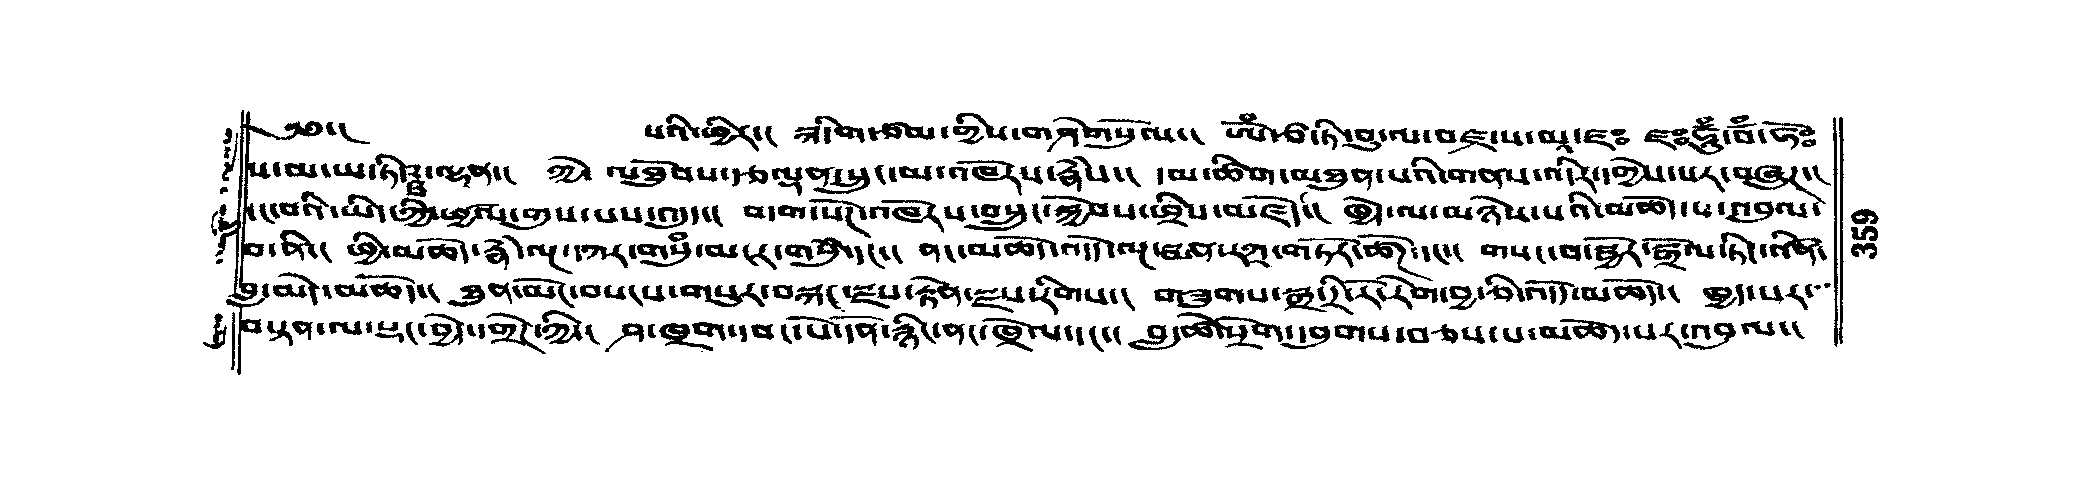པའི་ཕྱིར། །སྐད་ཅིག་ཙམ་གྱིས་གཤེགས་སུ་གསོལ། ཨོ་ྃཙ་ཏི་བུ་ལ་བཛྲ་ས་མཱ་ཛཿ ཛཿཧཱུྂ་བྂ་ཧོཿ 
ས་མ་ཡ་ཏིཥྛ་ལྷན། ཀྱེ། མཐུ་སྟོབས་རྩལ་ལྡན་སྲུང་མ་འཁོར་བཅས་རྣམས། །དམ་ཚིག་མཐུན་པའི་གནས་འདིར་དགྱེས་པར་བཞུགས། །
དང་བའི་ཡིད་ཀྱི་ཕྱག་འཚལ་གུས་པས་འདུད། །བདག་སོགས་འཁོར་བཅས་བསྲུང་སྐྱོབས་ཕྲིན་ལས་མཛོད། །ཁྱོད་ལ་མཉེས་པའི་མཆོད་པ་འབུལ་
བ་ནི། །ཕྱི་མཆོད་རྣམ་ལྔ་དཀར་གསུམ་མངར་གསུམ་གྱི། ནད་མཆོད་འདོད་ལྔ་སྨན་རཀཱ་གཏོར་ཚོགས་དང་། །གསང་བ་སྦྱོར་སྒྲོལ་ཏིང་འཛིན་
བླ་མེད་མཆོད། །ཐུན་མོང་བསངས་གསུར་བསྐང་རྫས་རྟེན་རྫས་རིགས། །གཟུགས་སྒྲ་དྲི་རོ་རེག་བྱ་ཅི་འདོད་མཆོད། །ཁྱད་པར་
བསྟན་ལ་སྡང་བྱེད་དགྲ་དགེགས་ཀྱི། །ཤ་ཁྲག་དབང་པོ་དོན་སྙིང་ནང་ཁྲོལ་དང་། །བླ་ཚེ་སྲོག་དབུགས་བཅས་པ་མཆོད་པར་འབུལ། །